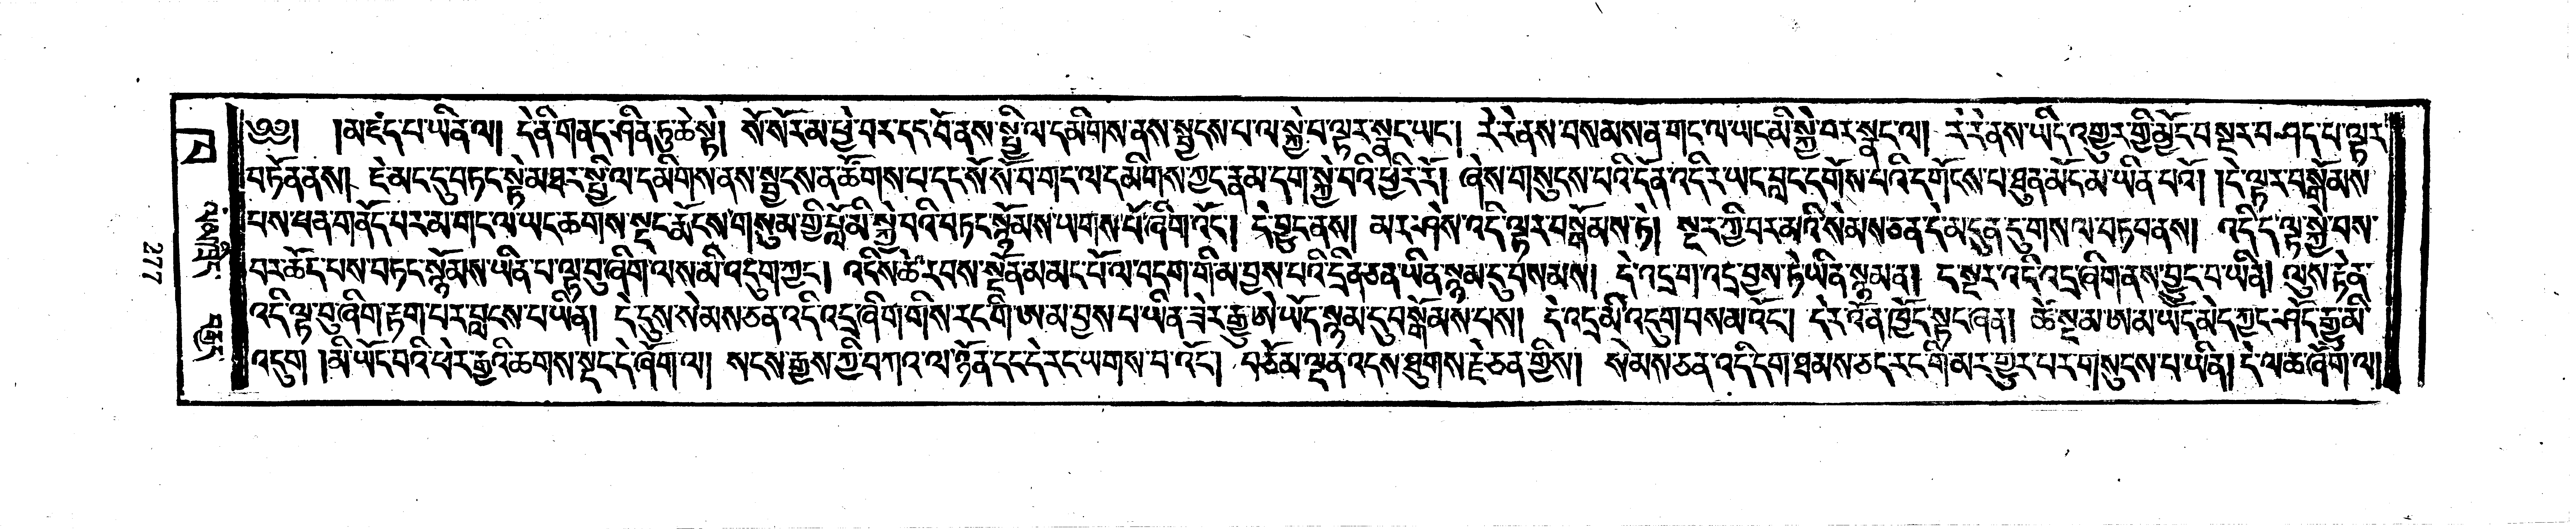༄༅། །མཛད་པ་ཡིན་ལ། དེ་ནི་གནང་ཤིན་ཏུ་ཆེ་སྟེ། སོ་སོར་མ་ཕྱེ་བར་དང་བོ་ནས་སྤྱི་ལ་དམིགས་ནས་སྦྱངས་པ་ལ་སྐྱེ་བ་ལྟར་སྣང་ཡང་། རེ་རེ་ནས་བསམས་ན་གང་ལ་ཡང་མི་སྐྱེ་བར་སྣང་ལ། རེ་རེ་ནས་ཡིད་འགྱུར་གྱི་མྱོང་བསྔར་བཤད་པ་ལྟར་
བཏོན་ནས། ཇེ་མང་དུ་བཏང་སྟེ་མཐར་སྤྱི་ལ་དམིགས་ནས་སྦྱངས་ན་ཚོགས་པ་དང་སོ་སོ་བ་གང་ལ་དམིགས་ཀྱང་རྣམ་དག་སྐྱེ་བའི་ཕྱིར་རོ། ཞེས་གསུངས་པའི་དོན་འདིར་ཡང་བླང་དགོས་པའི་དགོངས་པ་ཐུན་མོང་མ་ཡིན་པའོ། །དེ་ལྟར་བསྒོམས་
པས་ཕན་གནོད་པར་མ་གང་ལ་ཡང་ཆགས་སྡང་རྨོངས་གསུམ་གྱི་བློ་མི་སྐྱེ་བའི་བཏང་སྙོམས་ཡགས་པོ་ཞིག་འོང་། དེ་བྱུང་ནས། མར་ཤེས་འདི་ལྟར་བསྒོམས་ཏེ། སྔར་ཀྱི་བར་མའི་སེམས་ཅན་དེ་མདུན་དུ་གསལ་བཏབ་ནས། འདི་ད་ལྟ་སྐྱེ་བས་
བར་ཆོད་པས་བཏང་སྙོམས་ཡིན་པ་ལྟ་བུ་ཞིག་ལས་མི་འདུག་ཀྱང་། འདིས་ཚེ་རབས་སྔོན་མ་མང་པོ་ལ་བདག་གི་མ་བྱས་པའི་དྲིན་ཅན་ཡིན་སྙམ་དུ་བསམས། དེ་འདྲ་ག་འདྲ་བྱས་ཏེ་ཡིན་སྙམ་ན། ད་སྔར་འདི་འདྲ་ཞིག་ནས་བྱུང་བ་ཡིན། ལུས་རྟེན་
འདི་ལྟ་བུ་ཞིག་རྟག་པར་བླངས་པ་ཡིན། དེ་དུས་སེམས་ཅན་འདི་འདྲ་ཞིག་གིས་རང་གི་ཨ་མ་བྱས་པ་ཡིན་ཟེར་རྒྱུ་ཨེ་ཡོད་སྙམ་དུ་བསྒོམས་པས། དེ་འདྲ་མི་འདུག་བསམ་འོང་། དེར་འོ་ན་ཁྱོད་སྟང་ཞན། ཚེ་སྔ་མ་ཨ་མ་ཡོད་མེད་ཀྱང་ཤོད་རྒྱུ་མི་
འདུག །མི་ཡོང་བའི་ཕེར་རྒྱའི་ཆགས་སྡང་དེ་ཞོག་ལ། སངས་རྒྱས་ཀྱི་བཀའ་ལ་ཉོན་དང་དེ་རང་ཡགས་བ་འོང་། བཅོམ་ལྡན་འདས་ཐུགས་རྗེ་ཅན་གྱིས། སེམས་ཅན་འདི་དག་ཐམས་ཅད་རང་གི་མར་གྱུར་པར་གསུངས་པ་ཡིན། དེ་ལ་ཆ་ཞོག་ལ།